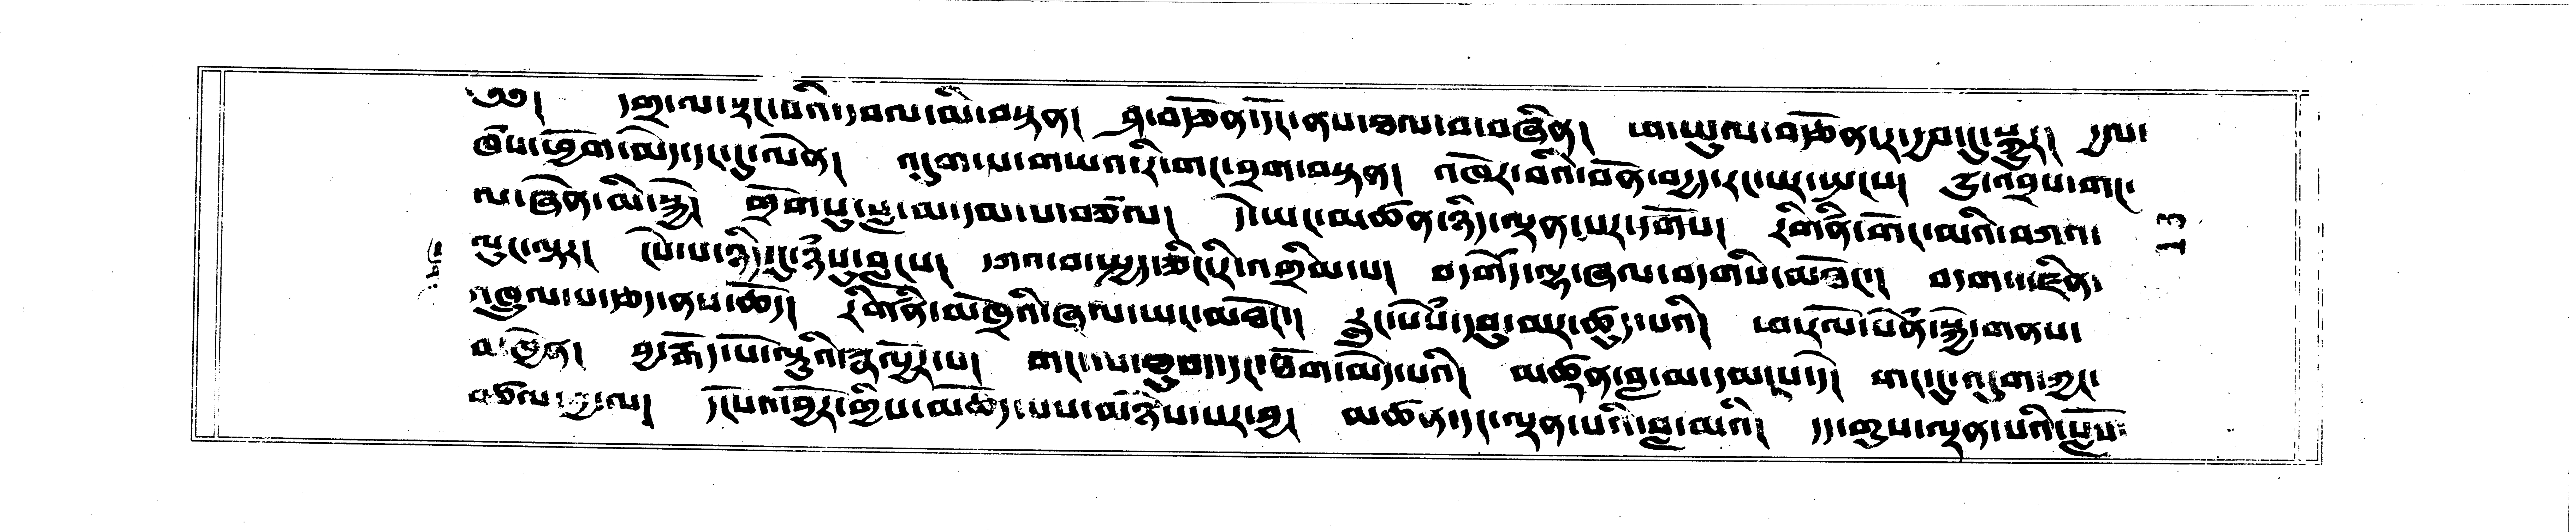དགྲ་ལ་སྡང་བའི་དབལ་མི་བསྟན། ཤ་བཙོན་དོང་ནས་ཐར་བ་བཞིན། ཕ་ཡུལ་བཙོན་རྭ་རྒྱབ་ཏུ་བསྐྱུར། རྒྱལ
ཁམས་ཕྱོགས་མེད་དང་དུ་ལེན། འདུག་ས་གཡའ་རི་གངས་བྲག་བསྟན། འཁོར་བའི་བོན་བརྒྱད་རང་སར་སྤངས། རྒྱུ་འབྲས་གང་
ལ་ཞེན་མི་སྐྱེ། གྲོགས་སུ་བླ་མ་དམ་པ་བཙལ། དེ་ཡང་མཚན་ཉིད་ལྡན་པ་དགོས། རིག་འཛིན་གོང་མའི་བཀའ་
ལུང་ལྟར། ངེས་པ་ཉིད་དུ་ཉམས་སུ་བླངས། དཀའ་བ་སྤྱད་ཅིང་རི་འགྲིམས་པ། བདག་མེད་ལྷ་ཞལ་བདག་གིས་མཐོང་། བདག་འཛིན་
འཁྲུལ་པ་རྩད་ནས་ཆོད། རིག་འཛིན་མཁའ་འགྲོའི་ཞལ་ཡང་མཐོང་། རླུང་སེམས་དབུ་མར་ཚུད་པ་ཡི། ཕ་རོལ་སེམས་ཅན་སྐྱེ་གནས་
མཁྱེན། བྱ་རྒོད་པོ་ལྟ་བུའི་རྣལ་འབྱོར་པ། གང་ལ་ཐུག་དང་ཐོགས་མེད་པའི། མཚན་ལྡན་བླ་མ་དམ་པ་དེ། གང་དུ་འདུག་ཀྱང་
བཙལ་བྱ་ལ། དངོས་འབྱོར་གྱིས་མཆོད་པས་མཉེས་པར་བྱ། མཚན་དང་ལྡན་པའི་བླ་མ་ཡིས། དད་གུས་ལྡན་པའི་སློབ་